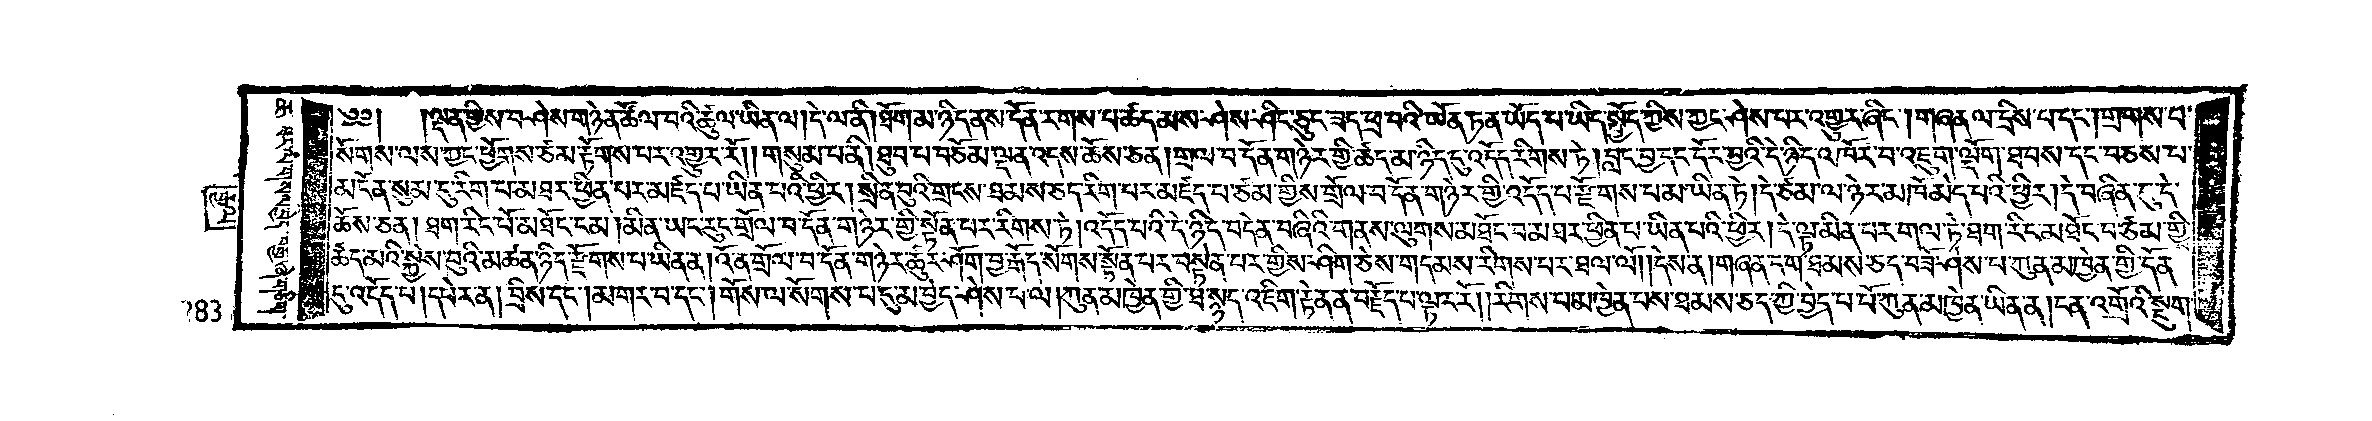༄༅། །ལྡན་གྱིས་བཤེས་གཉེན་ཚོལ་བའི་ཚུལ་ཡིན་ལ། དེ་ལ་ནི། ཐོག་མ་ཉིད་ནས་དོན་རགས་པ་ཚད་མས་ཤེས་ཤིང་ཅུང་ཟད་ཕྲ་བའི་ཡོན་ཏན་ཡོད་པ་ཡིད་སྤྱོད་ཀྱིས་ཀྱང་ཤེས་པར་འགྱུར་ཞིང་། གཞན་ལ་དྲིས་པ་དང་། གྲགས་པ་
སོགས་ལས་ཀྱང་ཕྱོགས་ཙམ་རྟོགས་པར་འགྱུར་རོ། །གསུམ་པ་ནི། ཐུབ་པ་བཅོམ་ལྡན་འདས་ཆོས་ཅན། གྲལ་བ་དོན་གཉེར་གྱི་ཚད་མ་ཉིད་དུ་འདོད་རིགས་ཏེ། བླང་བྱ་དང་དོར་བྱའི་དེ་ཉིད་འཁོར་བ་འཇུག་ལྡོག་ཐབས་དང་བཅས་པ་
མངོན་སུམ་དུ་རིག་པ་མཐར་ཕྱིན་པར་མཛད་པ་ཡིན་པའི་ཕྱིར། སྲིན་བུའི་གྲངས་ཐམས་ཅད་རིག་པར་མཛད་པ་ཙམ་གྱིས་གྲོལ་བ་དོན་གཉེར་གྱི་འདོད་པ་རྫོགས་པ་མ་ཡིན་ཏེ། དེ་ཙམ་ལ་ཉེར་མཁོ་མེད་པའི་ཕྱིར། དེ་བཞིན་དུ་དེ་
ཆོས་ཅན། ཐག་རིང་པོ་མཐོང་ངམ། མིན་ཡང་རུང་གྲོལ་བ་དོན་གཉེར་གྱི་སྟོན་པར་རིགས་ཏེ། འདོད་པའི་དེ་ཉིད་བདེན་བཞིའི་གནས་ལུགས་མཐོང་བ་མཐར་ཕྱིན་པ་ཡིན་པའི་ཕྱིར། དེ་ལྟ་མིན་པར་གལ་ཏེ་ཐག་རིང་མཐོང་བ་ཙམ་གྱིས་
ཚད་མའི་སྐྱེས་བུའི་མཚན་ཉིད་རྫོགས་པ་ཡིན་ན། འོ་ན་གྲོལ་བ་དོན་གཉེར་ཚུར་ཤོག་བྱ་རྒོད་སོགས་སྟོན་པར་བསྟེན་པར་གྱིས་ཤིག་ཅེས་གདམས་རིགས་པར་ཐལ་ལོ། །དེས་ན། གཞན་དག་ཐམས་ཅད་བཟོ་ཤེས་པ་ཀུན་མཁྱེན་གྱི་དོན་
དུ་འདོད་པ། དཔེར་ན། བྲིས་དང་། མ་གར་བ་དང་། གོས་ལ་སོགས་པ་དུ་མ་བྱེད་ཤེས་པ་ལ། ཀུན་མཁྱེན་གྱི་ཐ་སྙད་འཇིག་རྟེན་ན་བརྗོད་པ་ལྟར་རོ། །རིགས་པ་མཁྱེན་པས་ཐམས་ཅད་ཀྱི་བྱེད་པ་པོ་ཀུན་མཁྱེན་ཡིན་ན། ངན་འགྲོའི་སྡུག་